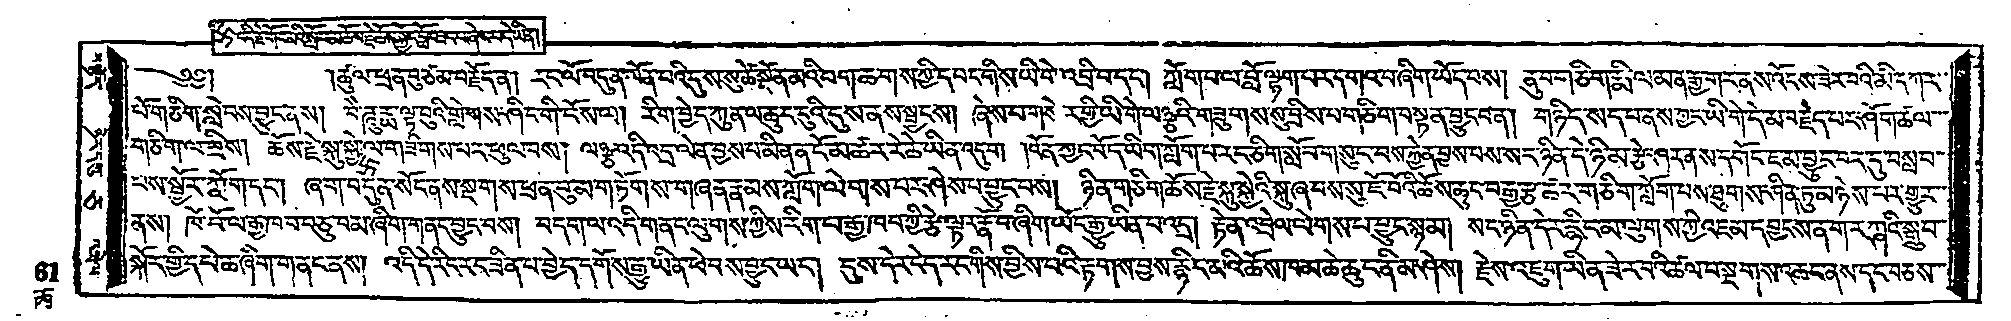༄༅། །ཚུལ་ཕྲན་བུ་ཙམ་བརྗོད་ན། རང་ལོ་བདུན་ལོན་པའི་དུས་སུ་ཚེ་སྔོན་མའི་བག་ཆགས་ཀྱི་དབང་གིས་ཡི་གེ་འབྲི་བ་དང་། ཀློག་པ་ལ་བློ་ལྷག་པར་དགའ་བ་ཞིག་ཡོད་པས། ནུབ་གཅིག་རྨི་ལམ་ན་རྒྱ་གར་ནས་འོངས་ཟེར་བའི་མི་དཀར་
པོ་གཅིག་སླེབས་བྱུང་ནས། བཻ་ཌཱུརྱ་ལྟ་བུའི་གླེགས་ཤིང་གི་ངོས་ལ། རིག་བྱེད་ཀུན་ལ་ཆུང་ངུའི་དུས་ནས་སྦྱངས། ཞེས་པ་གསེར་གྱི་ཡི་གེ་ལཉྩའི་གཟུགས་སུ་བྲིས་པ་གཅིག་བསྟན་བྱུང་བ་ན། གཉིད་སད་པ་ནས་ཀྱང་ཡི་གེ་དེ་མ་བརྗེད་པར་ཤོག་ཚལ་
གཅིག་ལ་བྲིས། ཆོས་རྗེ་སྐུ་སྐྱེ་ལ་འདི་རྗེ་གོང་མའི་སློབ་མཆོས་རྗེ་ཆོས་སྐྱོང་བློ་བཟང་པ་ཞེས་པ་དེ་ཡིན། ལ་གཟིགས་པར་ཕུལ་བས། ལཉྩ་འདི་འདྲ་ལེན་བྱས་པ་མིན་ན་ངོ་མཚར་རེ་ཆེ་ཡིན་འདུག །འོན་ཀྱང་བོད་ཡིག་ཀློག་པ་རང་ཅིག་སློབ་གསུང་བས་རྐྱེན་བྱས་པས་སང་ཉིན་དེ་ཉི་མ་རྩེ་ཤར་ནས་དགོང་ཇ་མ་བྱུང་བར་དུ་བསླབ་
པས་སྦྱོར་ཀློག་དང་། ཞག་བདུན་སོང་ནས་སྔགས་ཕྲན་བུ་མ་གཏོགས་གཞན་རྣམས་ཀློག་ལེགས་པར་ཤེས་པ་བྱུང་བས། ཉིན་གཅིག་ཆོས་རྗེ་སྐུ་སྐྱེའི་སྐུ་ཞབས་སུ་ཇོ་བོའི་ཆོས་ཆུང་བརྒྱ་རྩ་ཚར་གཅིག་ཀློག་པས་ཐུགས་ཤིན་ཏུ་མཉེས་པར་གྱུར་
ནས། ཁོ་བོ་ལ་རྒྱ་ཁབ་བཅུ་བམ་ཞིག་གནང་བྱུང་བས། བདག་ལ་འདི་གནང་ལུགས་ཀྱིས་རིག་པ་རྒྱ་ཁབ་ཀྱི་རྩེ་ལྟར་རྣོ་བ་ཞིག་ཡོང་རྒྱུ་ཡིན་པ་འདྲ། རྟེན་འབྲེལ་ལེགས་པ་བྱུང་སྙམ། སང་ཉིན་དེར་རྙིང་མ་ལུགས་ཀྱི་འཇམ་དབྱངས་ན་ག་རཀྵའི་སྒྲུབ་
སྐོར་གྱི་དཔེ་ཆ་ཞིག་གནང་ནས། འདི་དེ་རིང་རང་ཟིན་པ་བྱེད་དགོས་རྒྱུ་ཡིན་ཕེབས་བྱུང་ཡང་། དུས་དེར་ངེད་རང་གིས་བྱིས་པའི་རྟགས་བྱས་རྙིང་མའི་ཆོས་ཁམ་ཆེ་ཆུང་ནི་མ་ཤེས། རྗེས་འཇུག་ཡིན་ཟེར་བའི་ཚལ་བ་སྔགས་འཆད་ནས་དང་བཅས་